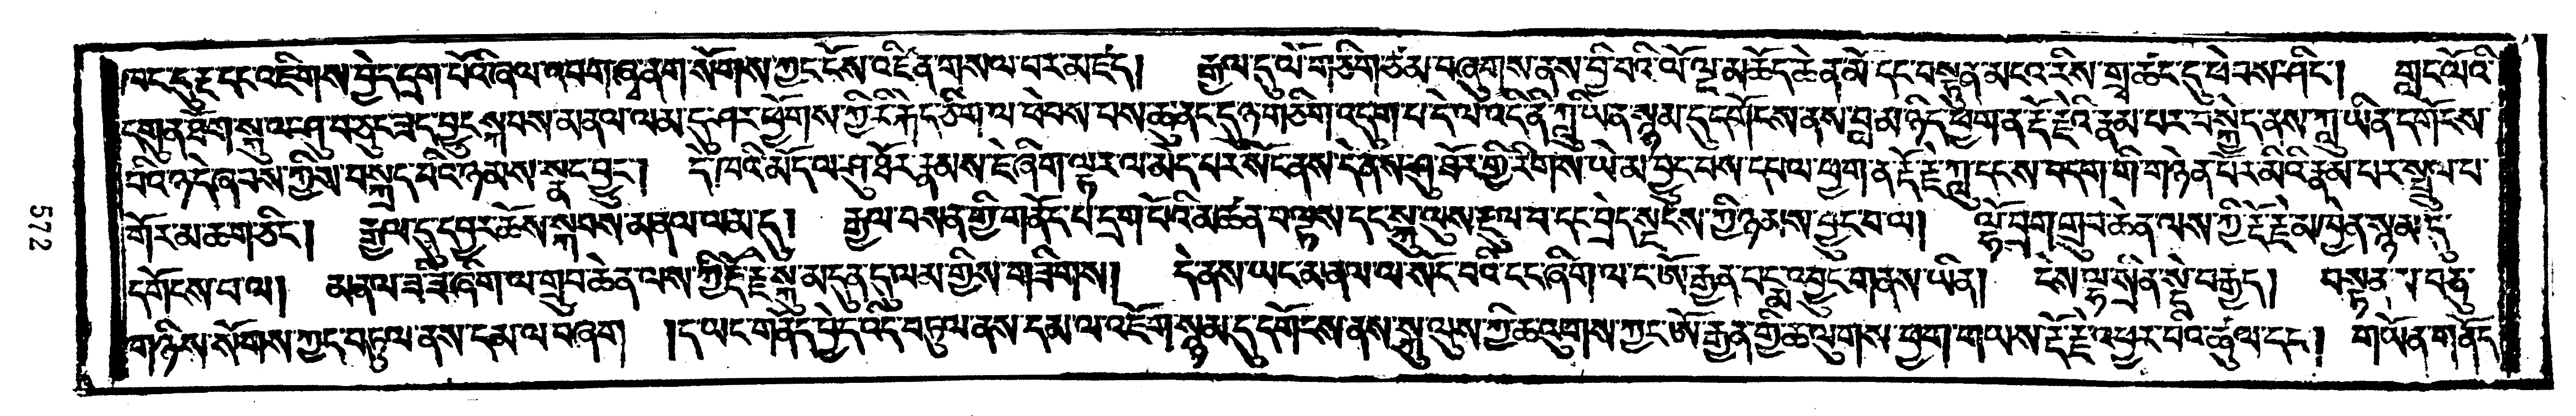ཁང་དུ་རྔ་དང་འཇིགས་བྱེད་དྲག་པོའི་ཞལ་འབག་ཞྭ་ནག་སོགས་ཀྱང་ངོས་འཛིན་གསལ་བར་མཛད། རྒྱལ་དུ་ལོ་གཅིག་ཙམ་བཞུགས་ནས་བྱི་བའི་ལོ་ལྔ་མཆོད་ཆེན་མོ་དང་བསྟུན་མངའ་རིས་གྲྭ་ཚང་དུ་ཕེབས་ཤིང་། གླང་ལོའི་
དགུན་ཐོག་སྐུ་ལ་ཤུ་བ་ཅུང་ཟད་བྱུང་སྐབས་མནལ་ལམ་དུ་ཤར་ཕྱོགས་ཀྱི་རི་རྐེད་ཅིག་ལ་ཕེབས་པས་ཆུ་ནང་དུ་ཉ་གཅིག་འདུག་པ་དེ་ལ་འདི་ནི་ཀླུ་ཡིན་སྙམ་དུ་དགོངས་ནས་བླ་མ་ཉིད་ཕྱག་ན་རྡོ་རྗེའི་རྣམ་པར་བསྐྱེད་ནས་ཀླུ་ཡིན་དགོངས་
པའི་ཉ་དེ་ཞབས་ཀྱིས་བསྐྲད་པའི་ཉམས་སྣང་བྱུང་། དེ་ཁའི་མོད་ལ་ཤུ་ཐོར་རྣམས་ཇེ་ཞིག་ལྟར་ལ་མེད་པར་སོང་ནས་དེ་ནས་ཤུ་ཐོར་གྱི་རིགས་ཡེ་མ་བྱུང་བས་དཔལ་ཕྱག་ན་རྡོ་རྗེ་ཀླུ་དང་ས་བདག་གི་གཉེན་པོར་མིའི་རྣམ་པར་སྤྲུལ་པ་
གོར་མ་ཆག་ཅིང་། རྒྱལ་དུ་དབྱར་ཆོས་སྐབས་མནལ་ལམ་དུ། རྒྱལ་བསན་གྱི་གནོད་པ་དྲག་པོའི་མཚན་བལྟས་དང་སྐུ་ལུས་རྡུལ་བ་དང་བྲེད་སྡངས་ཀྱི་ཉམས་བྱུང་བ་ལ། ལྷོ་བྲག་གྲུབ་ཆེན་ལས་ཀྱི་རྡོ་རྗེ་མཁྱེན་སྙམ་དུ་
དགོངས་པ་ལ། མནལ་ཟ་ཟི་ཞིག་ལ་གྲུབ་ཆེན་ལས་ཀྱི་རྡོ་རྗེ་སྐུ་མདུན་དུ་ལམ་གྱིས་གཟིགས། དེ་ནས་ཡང་མནལ་ལ་སོང་བའི་ངན་ཞིག་ལ་ང་ཨོ་རྒྱན་པདམ་འབྱུང་གནས་ཡིན། ངེས་ལྷ་སྲིན་སྡེ་བརྒྱད། བསྟན་མ་བཅུ་
གཉིས་སོགས་ཀྱང་བཏུལ་ནས་དམ་ལ་བཞག །ད་ཡང་གནོད་བྱེད་འདི་བཏུལ་ནས་དམ་ལ་འཇོག་སྙམ་དུ་དགོངས་ནས་སྐུ་ལུས་ཀྱི་ཆ་ལུགས་ཀྱང་ཨོ་རྒྱན་གྱི་ཆ་ལུགས་ཕྱག་གཡས་རྡོ་རྗེ་འཕྱར་བའི་ཚུལ་དང་། གཡོན་གནོད་